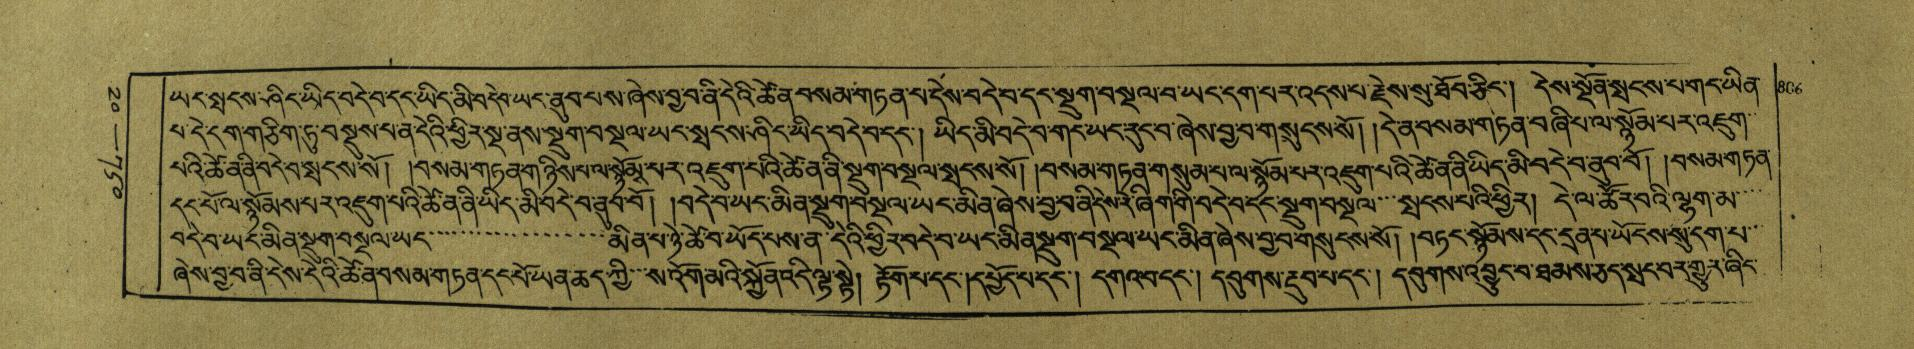ཡང་སྤངས་ཤིང་ཡིད་བདེ་བ་དང་ཡིད་མི་བདེ་བ་ཡང་ནུབ་པས་ཞེས་བྱ་བ་ནི་དེའི་ཚེ་ན་བསམ་གཏན་པ་དེས་བདེ་བ་དང་སྡུག་བསྔལ་བ་ཡང་དག་པར་འདས་པ་རྗེས་སུ་ཐོབ་ཅིང་། དེས་སྔོན་སྤངས་པ་གང་ཡིན་
པ་དེ་དག་གཅིག་ཏུ་བསྡུས་པ་ན་དེའི་ཕྱིར་སྔ་ནས་སྡུག་བསྔལ་ཡང་སྤངས་ཤིང་ཡིད་བདེ་བ་དང་། ཡིད་མི་བདེ་བ་གང་ཡང་རུང་བ་ཞེས་བྱ་བ་གསུངས་སོ། །དེ་ན་བསམ་གཏན་བཞི་པ་ལ་སྙོམ་པར་འཇུག་
པའི་ཚེ་ན་ནི་བདེ་བ་སྤངས་སོ། །བསམ་གཏན་གཉིས་པ་ལ་སྙོམས་པར་འཇུག་པའི་ཚེ་ན་ནི་སྡུག་བསྔལ་སྤངས་སོ། །བསམ་གཏན་གསུམ་པ་ལ་སྙོམ་པར་འཇུག་པའི་ཚེ་ན་ནི་ཡིད་མི་བདེ་བ་ནུབ་བོ། །བསམ་གཏན་
དང་པོ་ལ་སྙོམས་པར་འཇུག་པའི་ཚེ་ན་ནི་ཡིད་མི་བདེ་བ་ནུབ་བོ། །བདེ་བ་ཡང་མིན་སྡུག་བསྔལ་ཡང་མིན་ཞེས་བྱ་བ་ནི་དེས་རེ་ཞིག་གི་བདེ་བ་དང་སྡུག་བསྔལ་སྤངས་པའི་ཕྱིར། དེ་ལ་ཚོར་བའི་ལྷག་མ་
བདེ་བ་ཡང་མིན་སྡུག་བསྔལ་ཡང་མིན་པ་ཉེ་ཚེ་བ་ཡོད་པས་ན་དེའི་ཕྱིར་བདེ་བ་ཡང་མིན་སྡུག་བསྔལ་ཡང་མིན་ཞེས་བྱ་བ་གསུངས་སོ། །བཏང་སྙོམས་དང་དྲན་པ་ཡོངས་སུ་དག་པ་
ཞེས་བྱ་བ་ནི་ངེས་དེའི་ཚེ་ན་བསམ་གཏན་དང་པོ་ཡན་ཆད་ཀྱི་ས་འོག་མའི་སྐྱོན་འདི་ལྟ་སྟེ། རྟོག་པ་དང་། དཔྱོད་པ་དང་། དགའ་བ་དང་། དབུགས་རྡུབ་པ་དང་། དབུགས་འབྱུང་བ་ཐམས་ཅད་སྤང་བར་གྱུར་ཞིང་